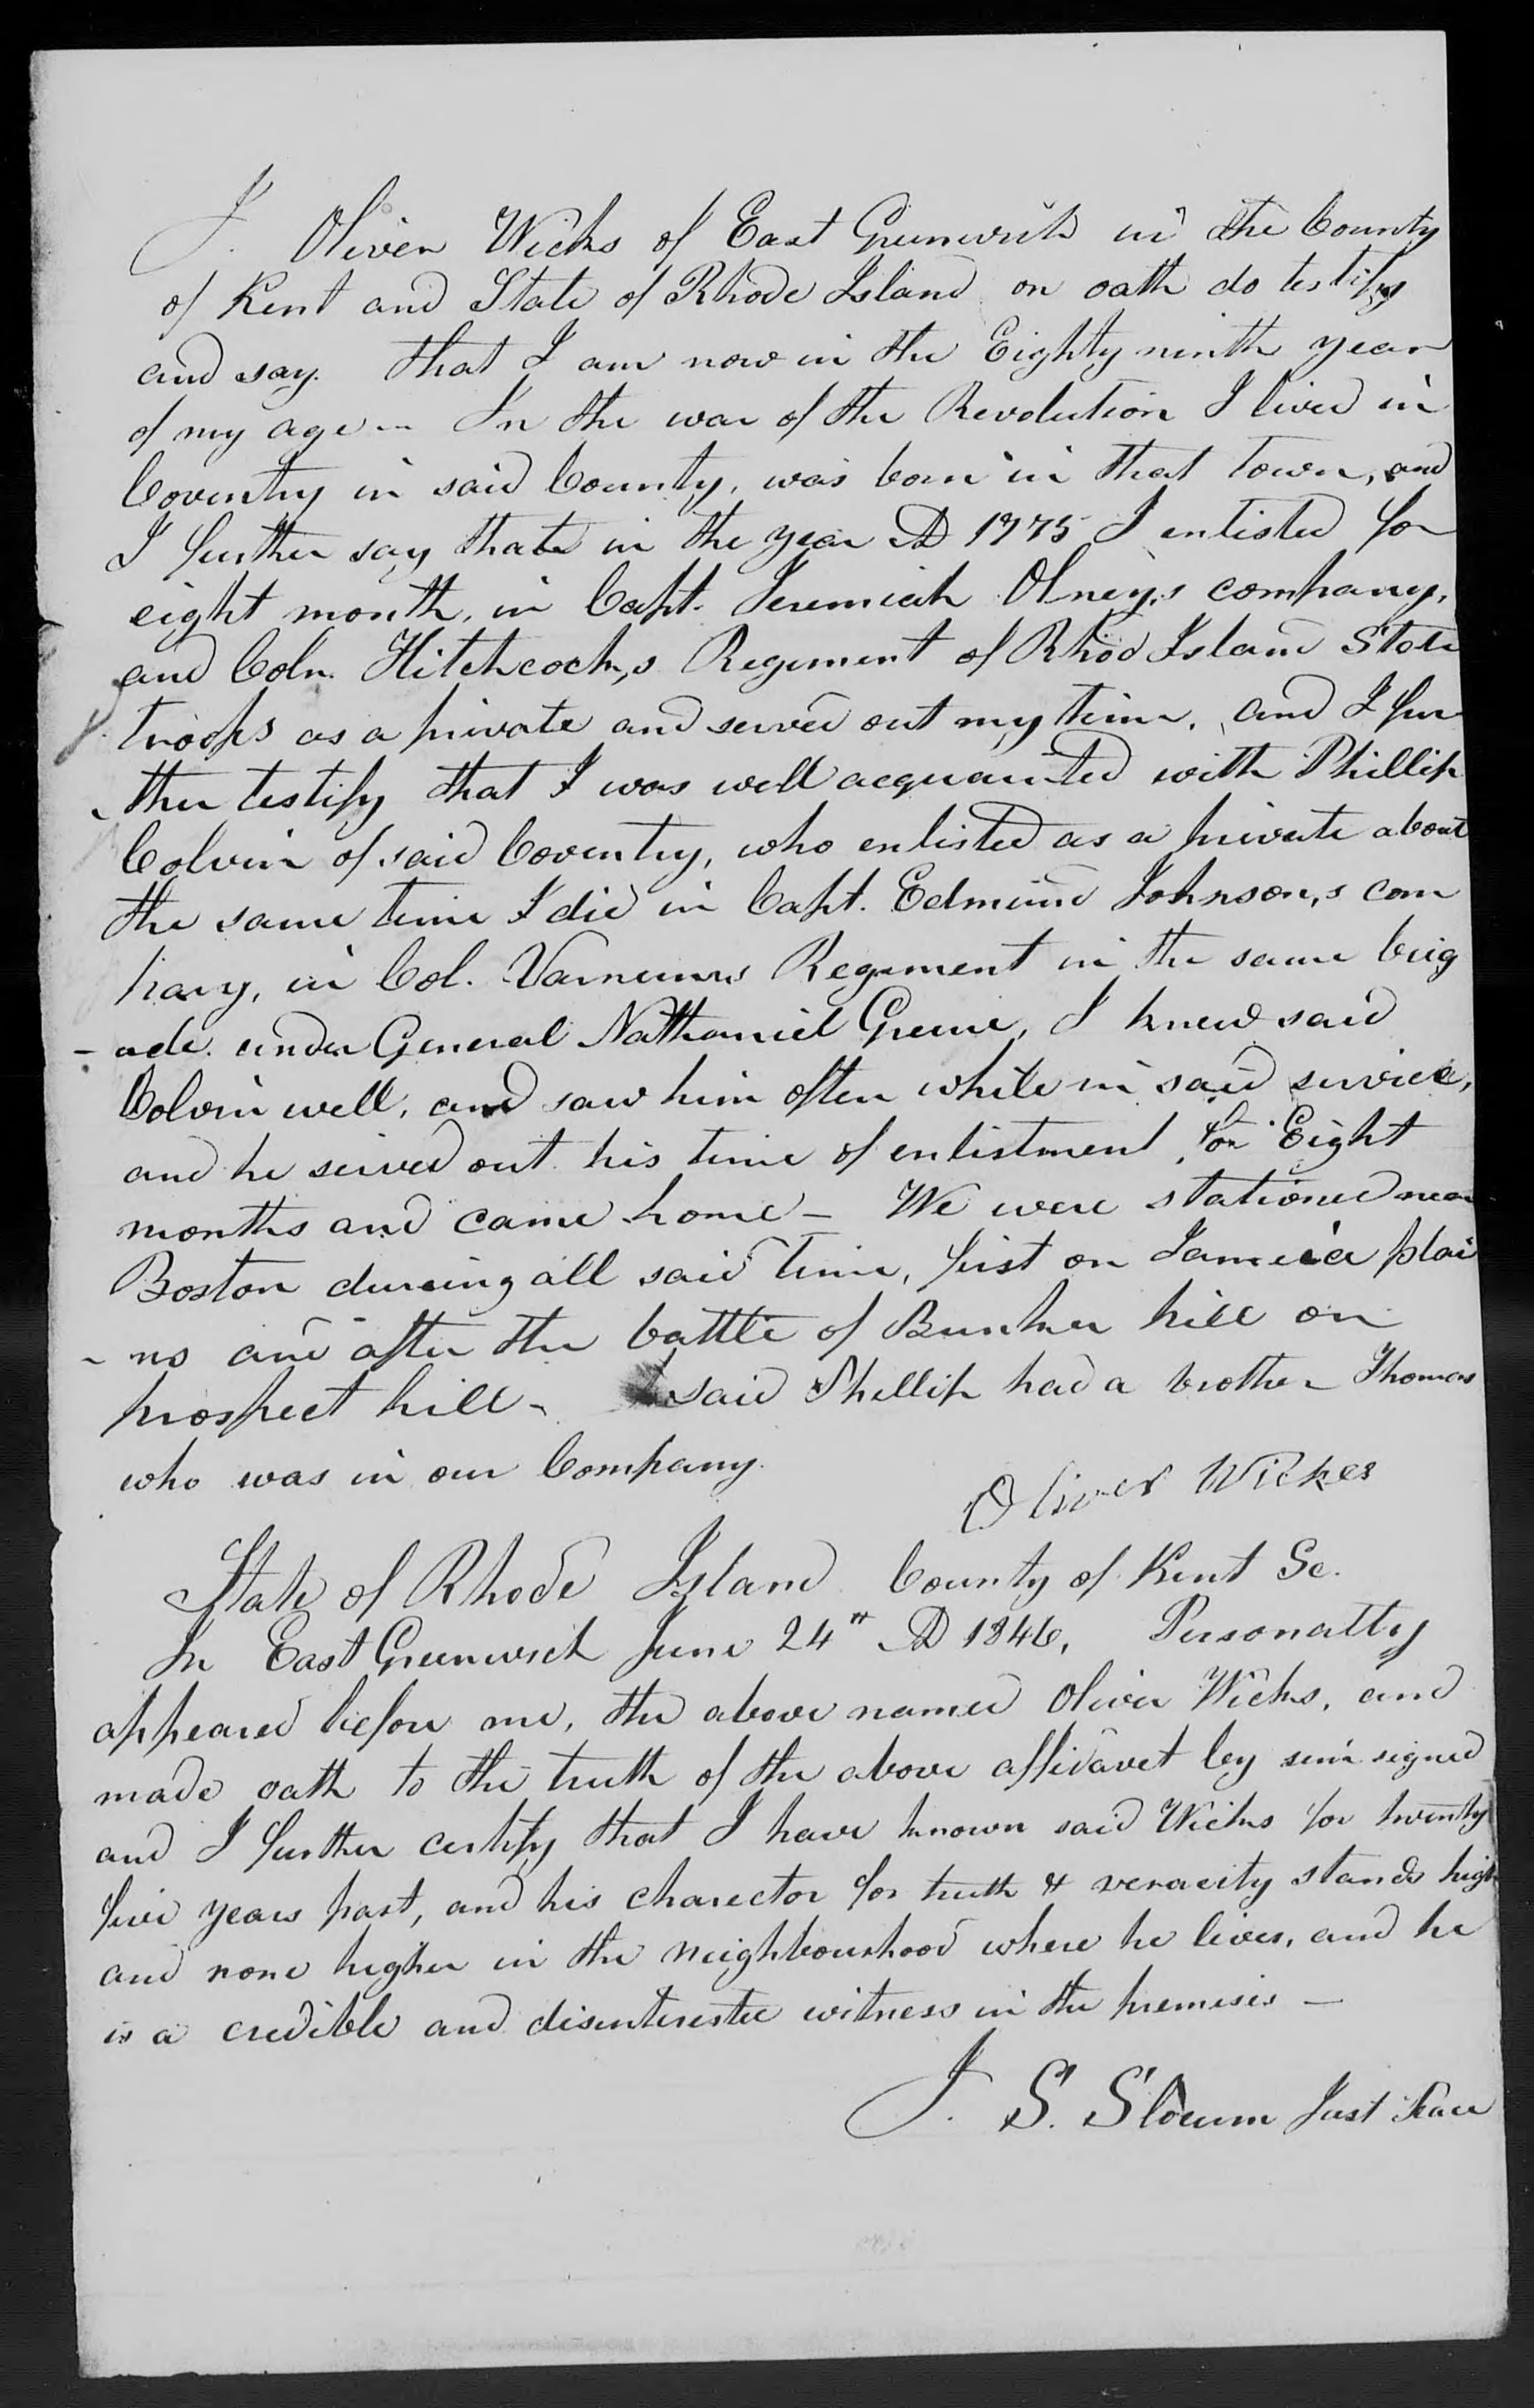I, Oliver Wicks of East Greenwich in the county of Kent and state of Rhode Island on oath do testify and say that I am now in the eighty ninth year of my age. In the war of the Revolution I lived in Coventry in said county, was born in that town, and I further say that in the year AD 1775 I enlisted for eight month, in Capt. Jeremiah Olney's company, and Coln. Hitchcock's Regiment of Rhod Island state troops as a private and served out my time, and I further testify that I was well acquainted with Phillip Colvin of said Coventry, who enlisted as a private about the same time I did in Capt. Edmund Johnson's company, in Col. Varnums Regiment in the same brigade under General Nathaniel Greene. I knew said Colvin well, and saw him often while in said service, and he served out his time of enlistment for eight months and came home. We were stationed near Boston during all said time, first on Jameier plains and after the battle of Bunker hill on prospect hill. He said Phillip had a brother Thomas who was in our company.
Oliver Wickes

State of Rhode Island County of Kent Sc.
In East Greenwich June 24th AD 1846, personally appeared before me, the above named Oliver Wicks, and made oath to the truth of the above affidavit by [illegible] signed and I further certify that I have known said Wicks for twenty five years past, and his charactor for truth & veracity stands high and none higher in the neighbourhood where he lives, and he is a credible and disinterested witness in the premises.
J.S. Slocum Just. Peace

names: Oliver Wicks, Colvin, Nathaniel Greene, Thomas, J S Slocum, Phillip, Oliver Wicks, Phillip Colvin, Wicks, Oliver Wicks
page: 34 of 41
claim: widow's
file: W. 3513, Philip Colvin, R.I.